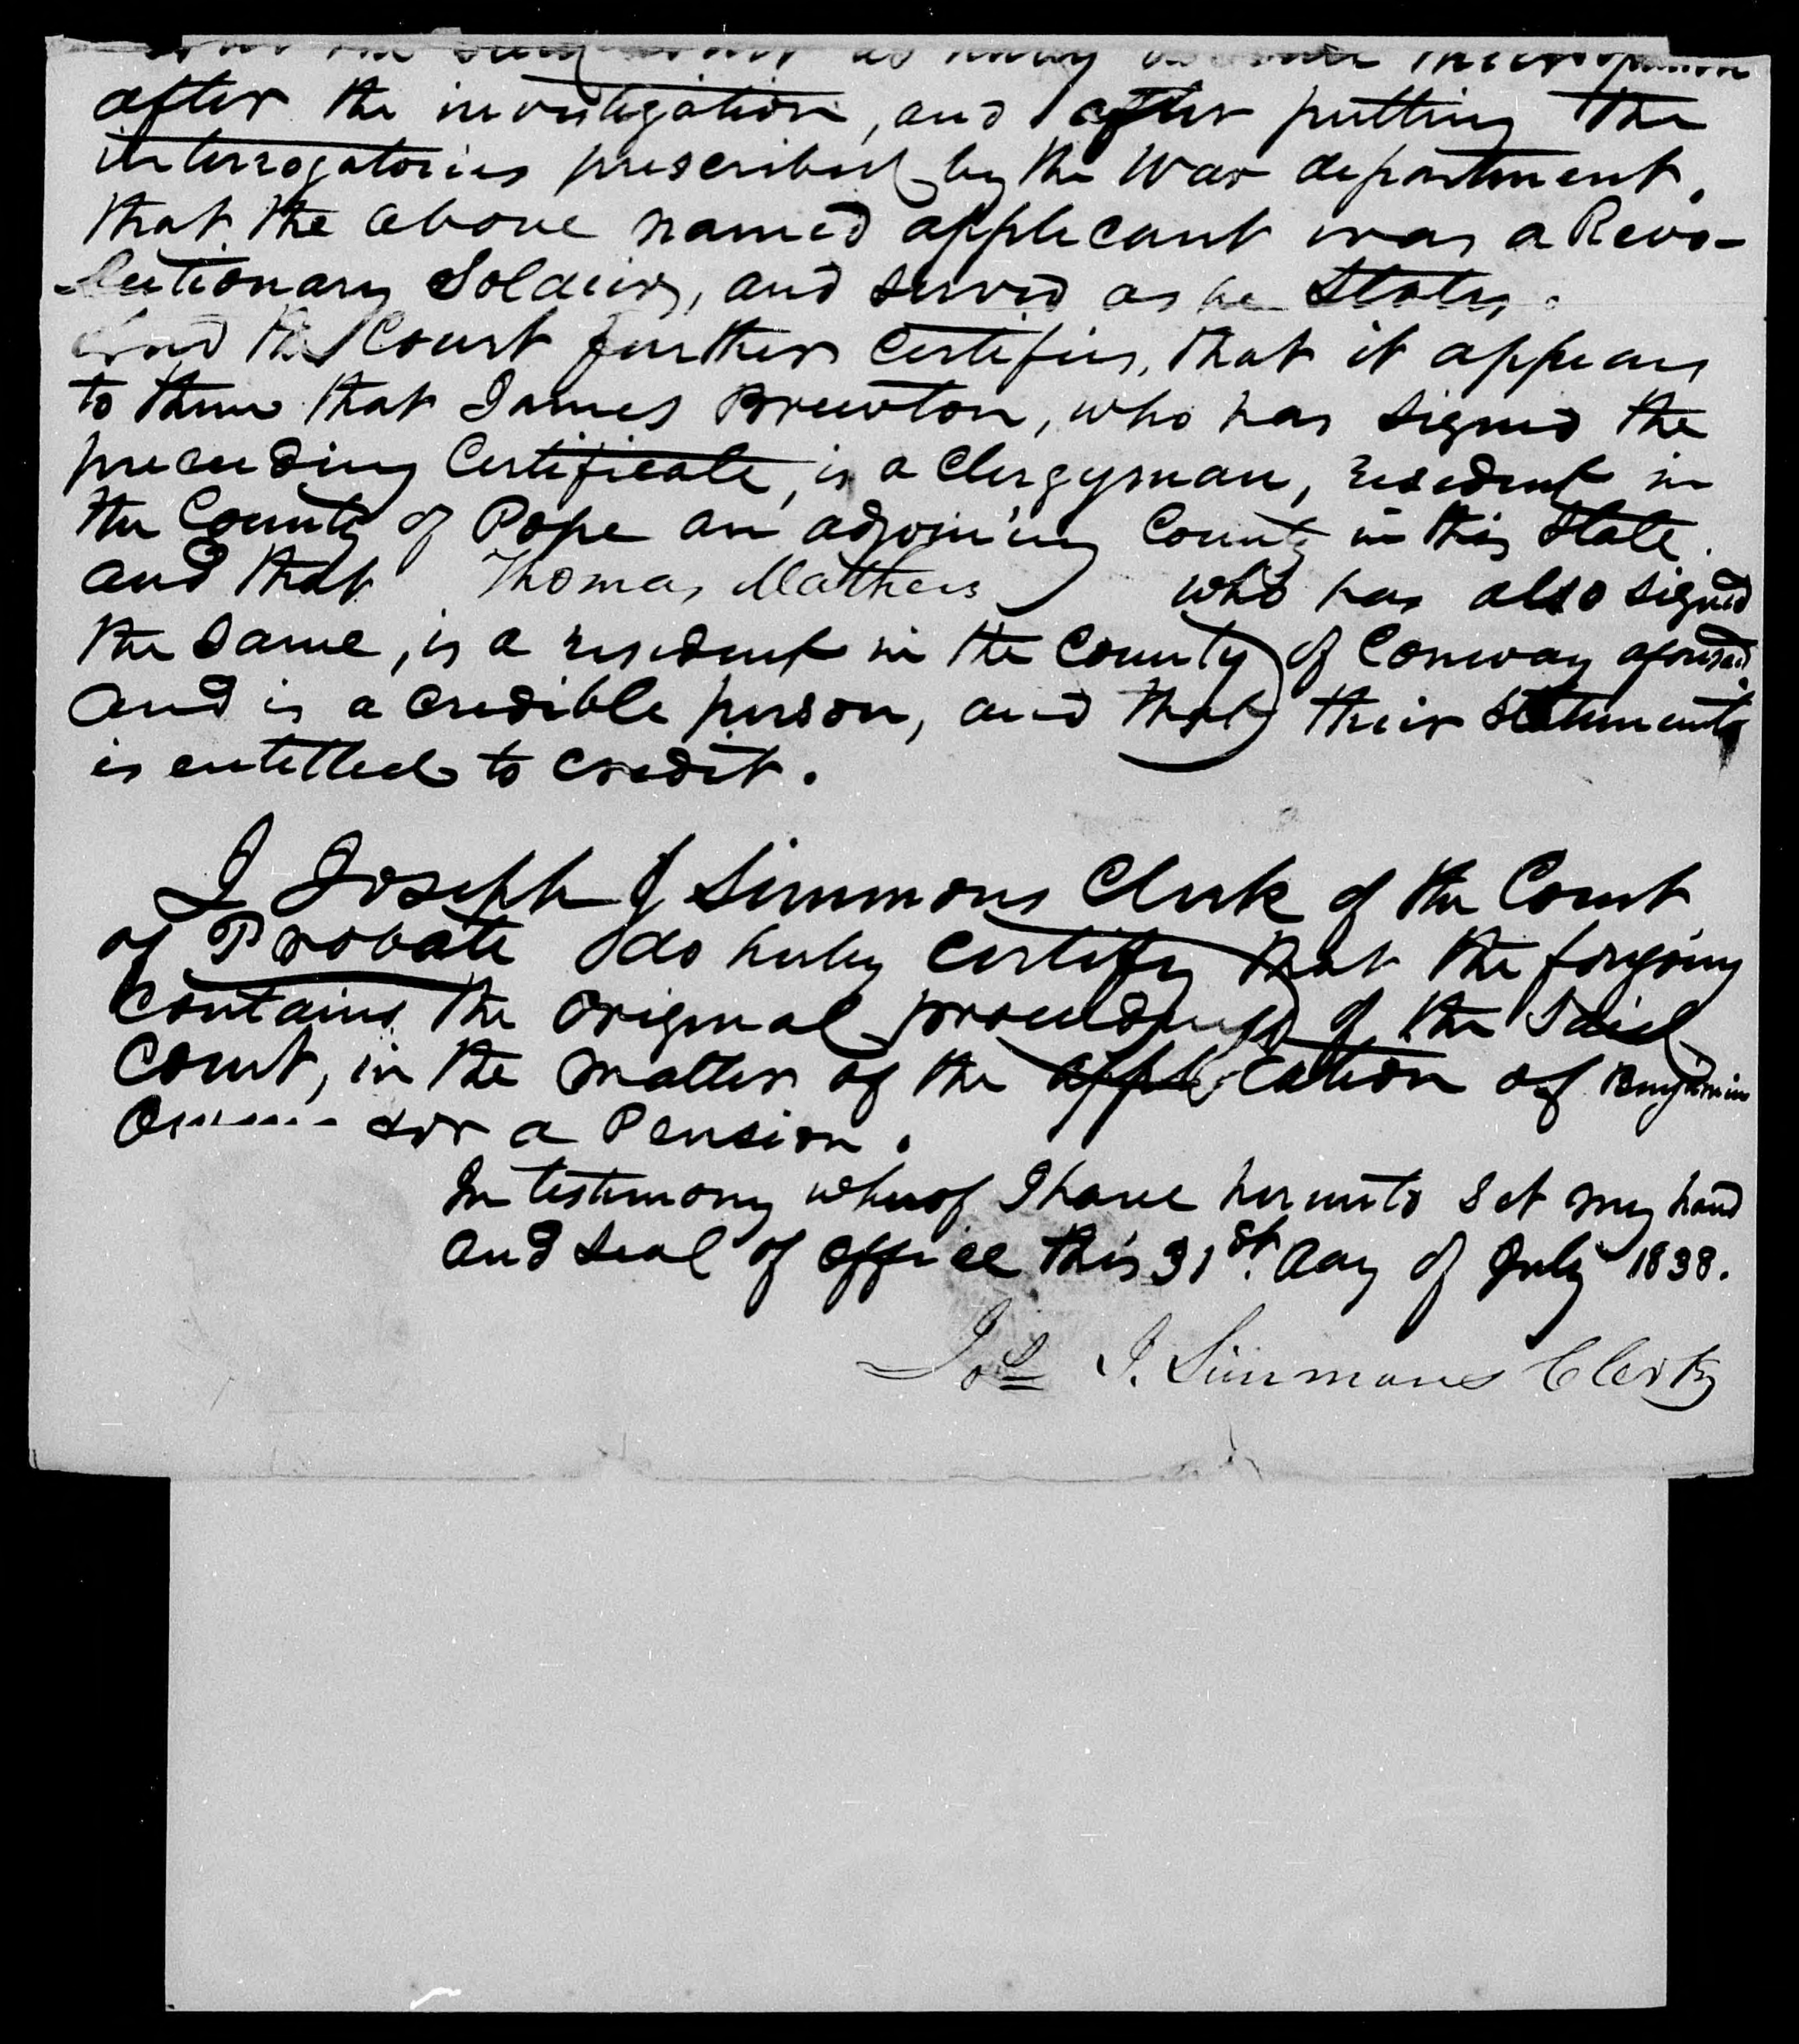after the investigation, and after putting the interrogatories prescribed by the War department, that the above named applicant was a Revolutionary Soldier, and served as he states.  And the Court further certifies, that it appears to them that James Brewton, who has signed the preceeding Certificate, is a Clergyman, resident in the County of Pope an adjoining County in this State and that
Thomas Mathers who has also signed the same, is a resident in the County of Conway aforesaid and is a credible person, and that their statement is entitled to credit.
I Joseph J Simmons Clerk of the Court of Probate do herby certify that the foregoing
contains the original proceedings of the said Court, in the matter of the application of Benjamin Owens for a Pension
In testimony whereof I have hereunto set my hand and seal of Office this 31st day of July 1838
Jos J. Simmons Clerk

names: James Brewton; Joseph J Simmons; Benjamin Owens; Thomas Mathers; Jos J Simmons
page: 12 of 28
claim: rejected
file: R. 7846, for Benjamin Owens, South Carolina